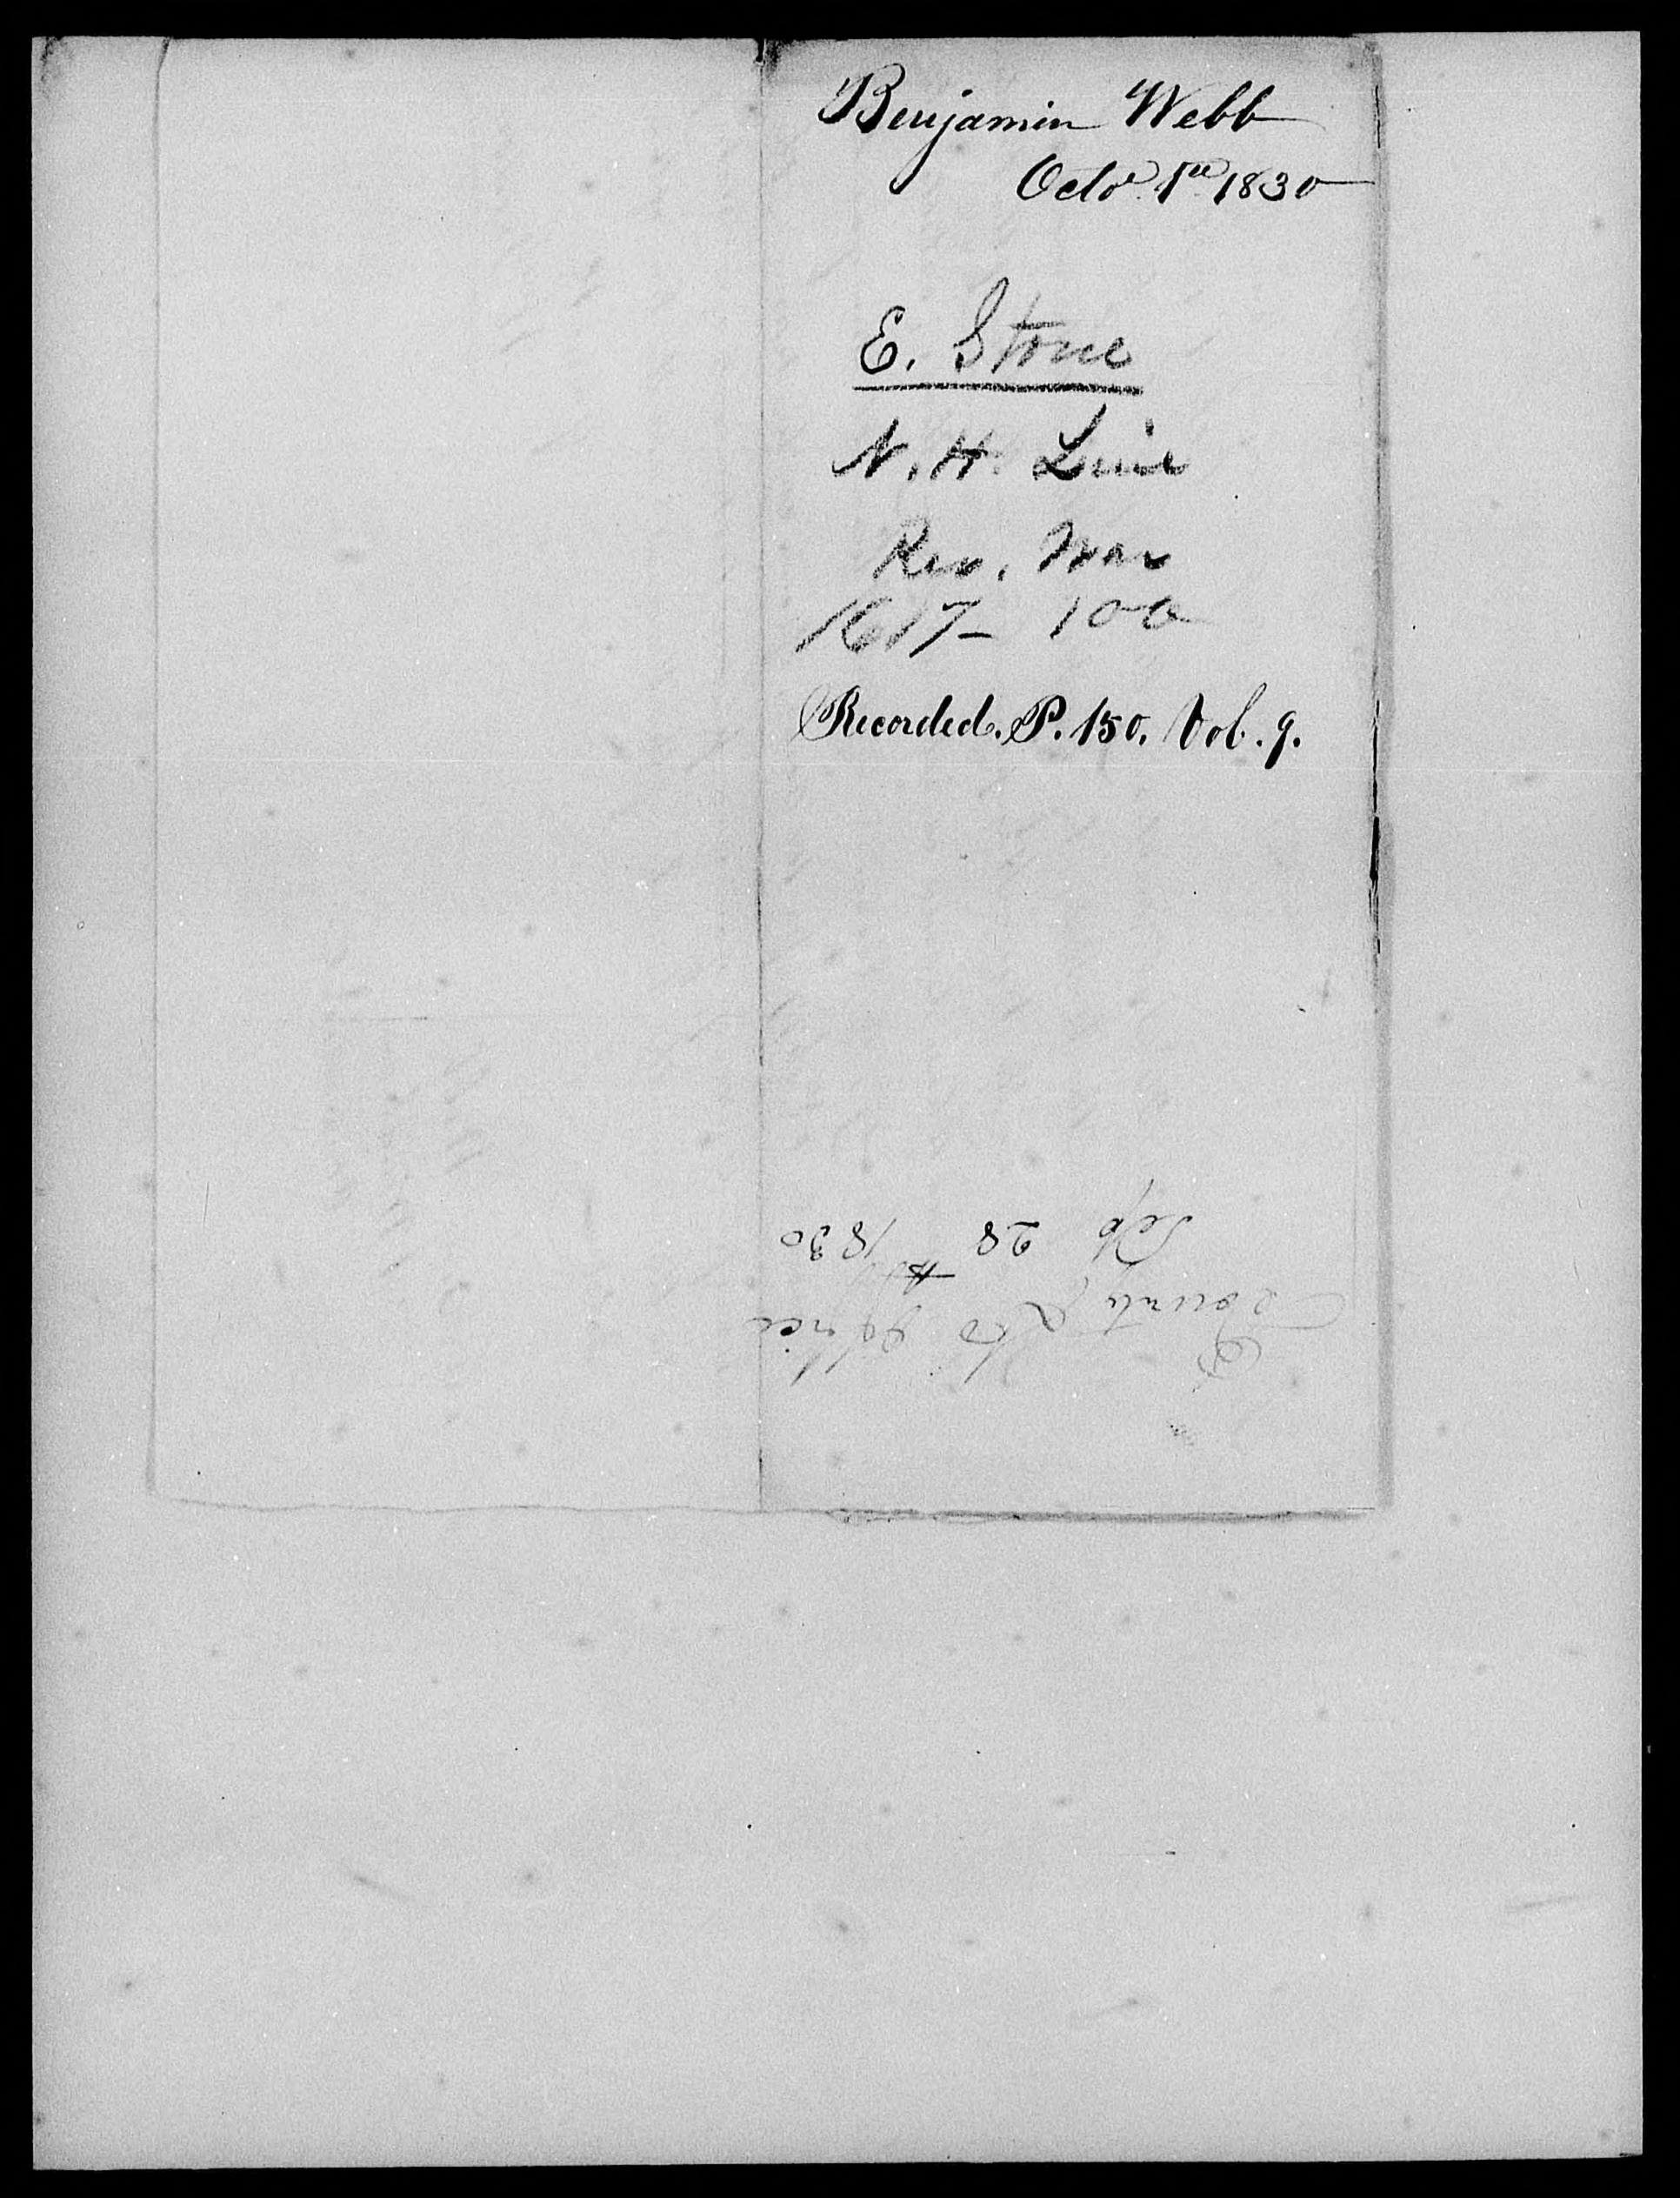Benjamin Webb
Oct'r 1" 1830

E. Stone
_______________
N.H. Line
Rev. War
1617--100

Recorded P. 150.  Vol. 9.

[written upside down]
Bounty Land office
Sep 28th 1830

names: Benjamin Webb; E Stone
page: 35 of 38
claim: survivor's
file: S. 43181, for Ezekiel Stone, New Hampshire